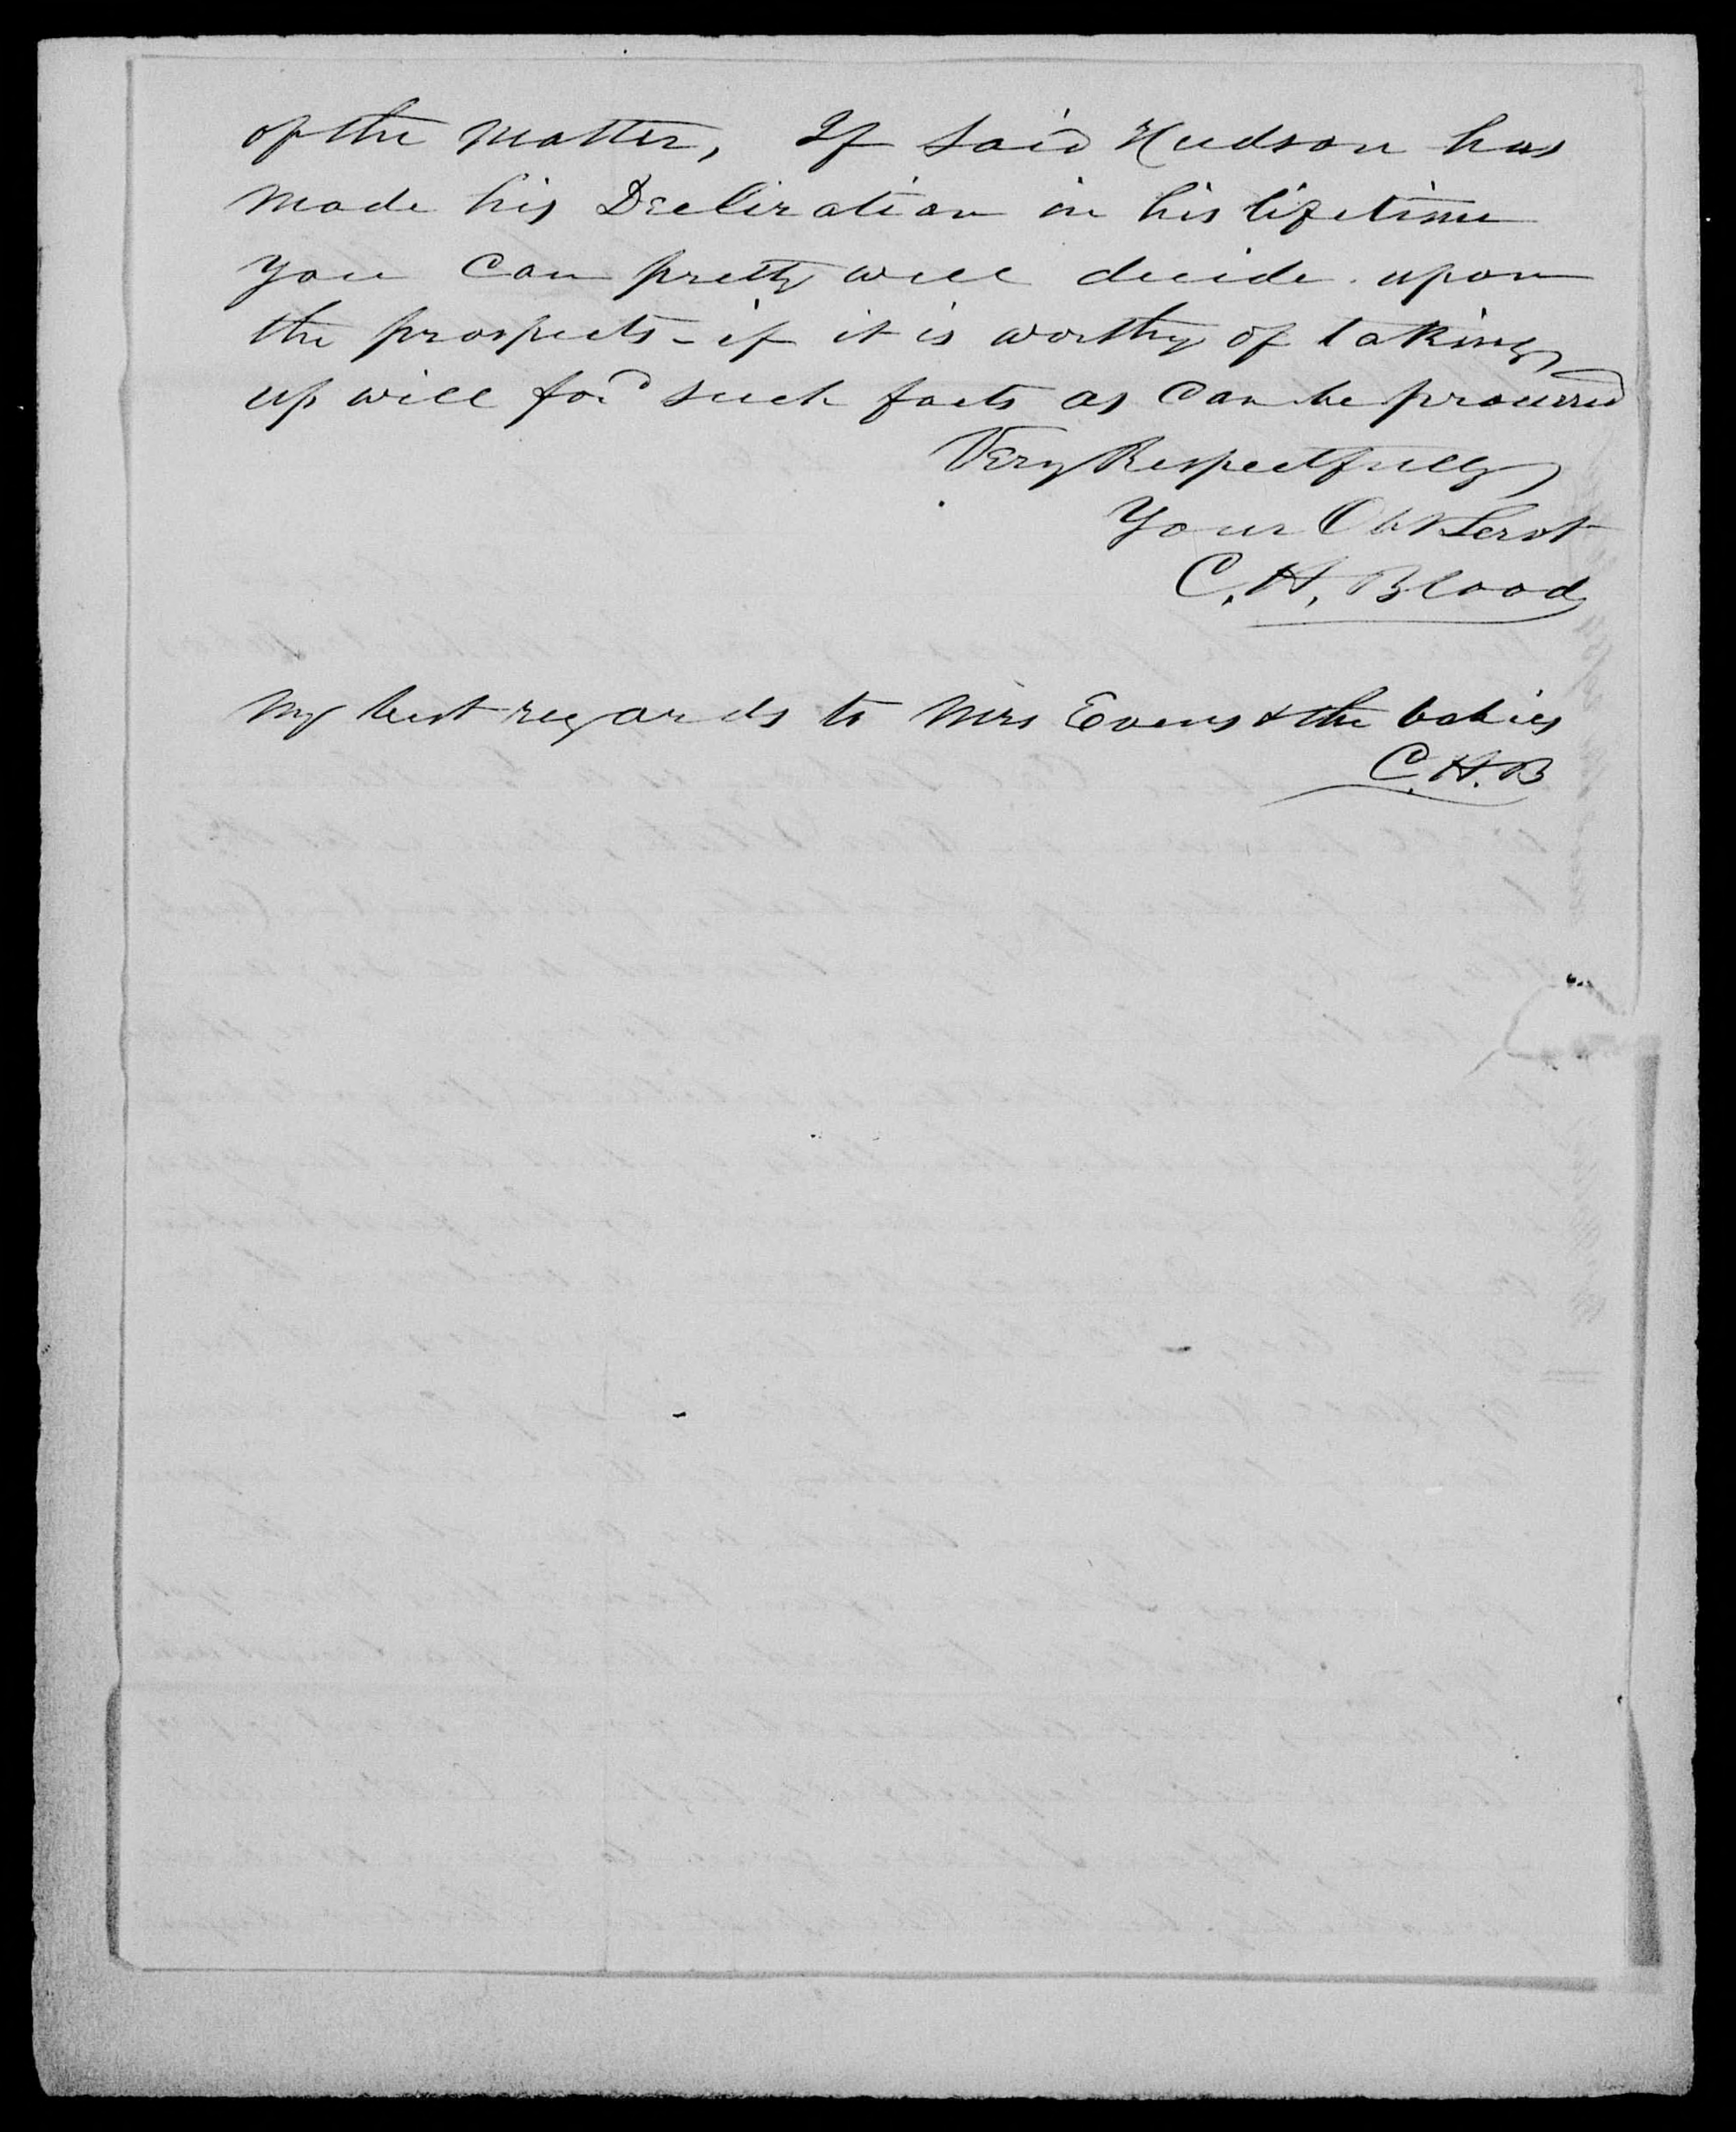of the matter,  If said Hudson has
made his Decliration in his lifetime
you can pretty well decide upon
the prospects - if it is worthy of taking
up will for'd such facts as can be procured
Very Respectfully
Your Ob Servt
C. H. Blood

My best regards to Mrs Evens & the babies
C.H.B.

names: C H Blood, Hudson, Evens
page: 14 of 14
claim: rejected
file: R. 4463, Hall Hudson, S.C.